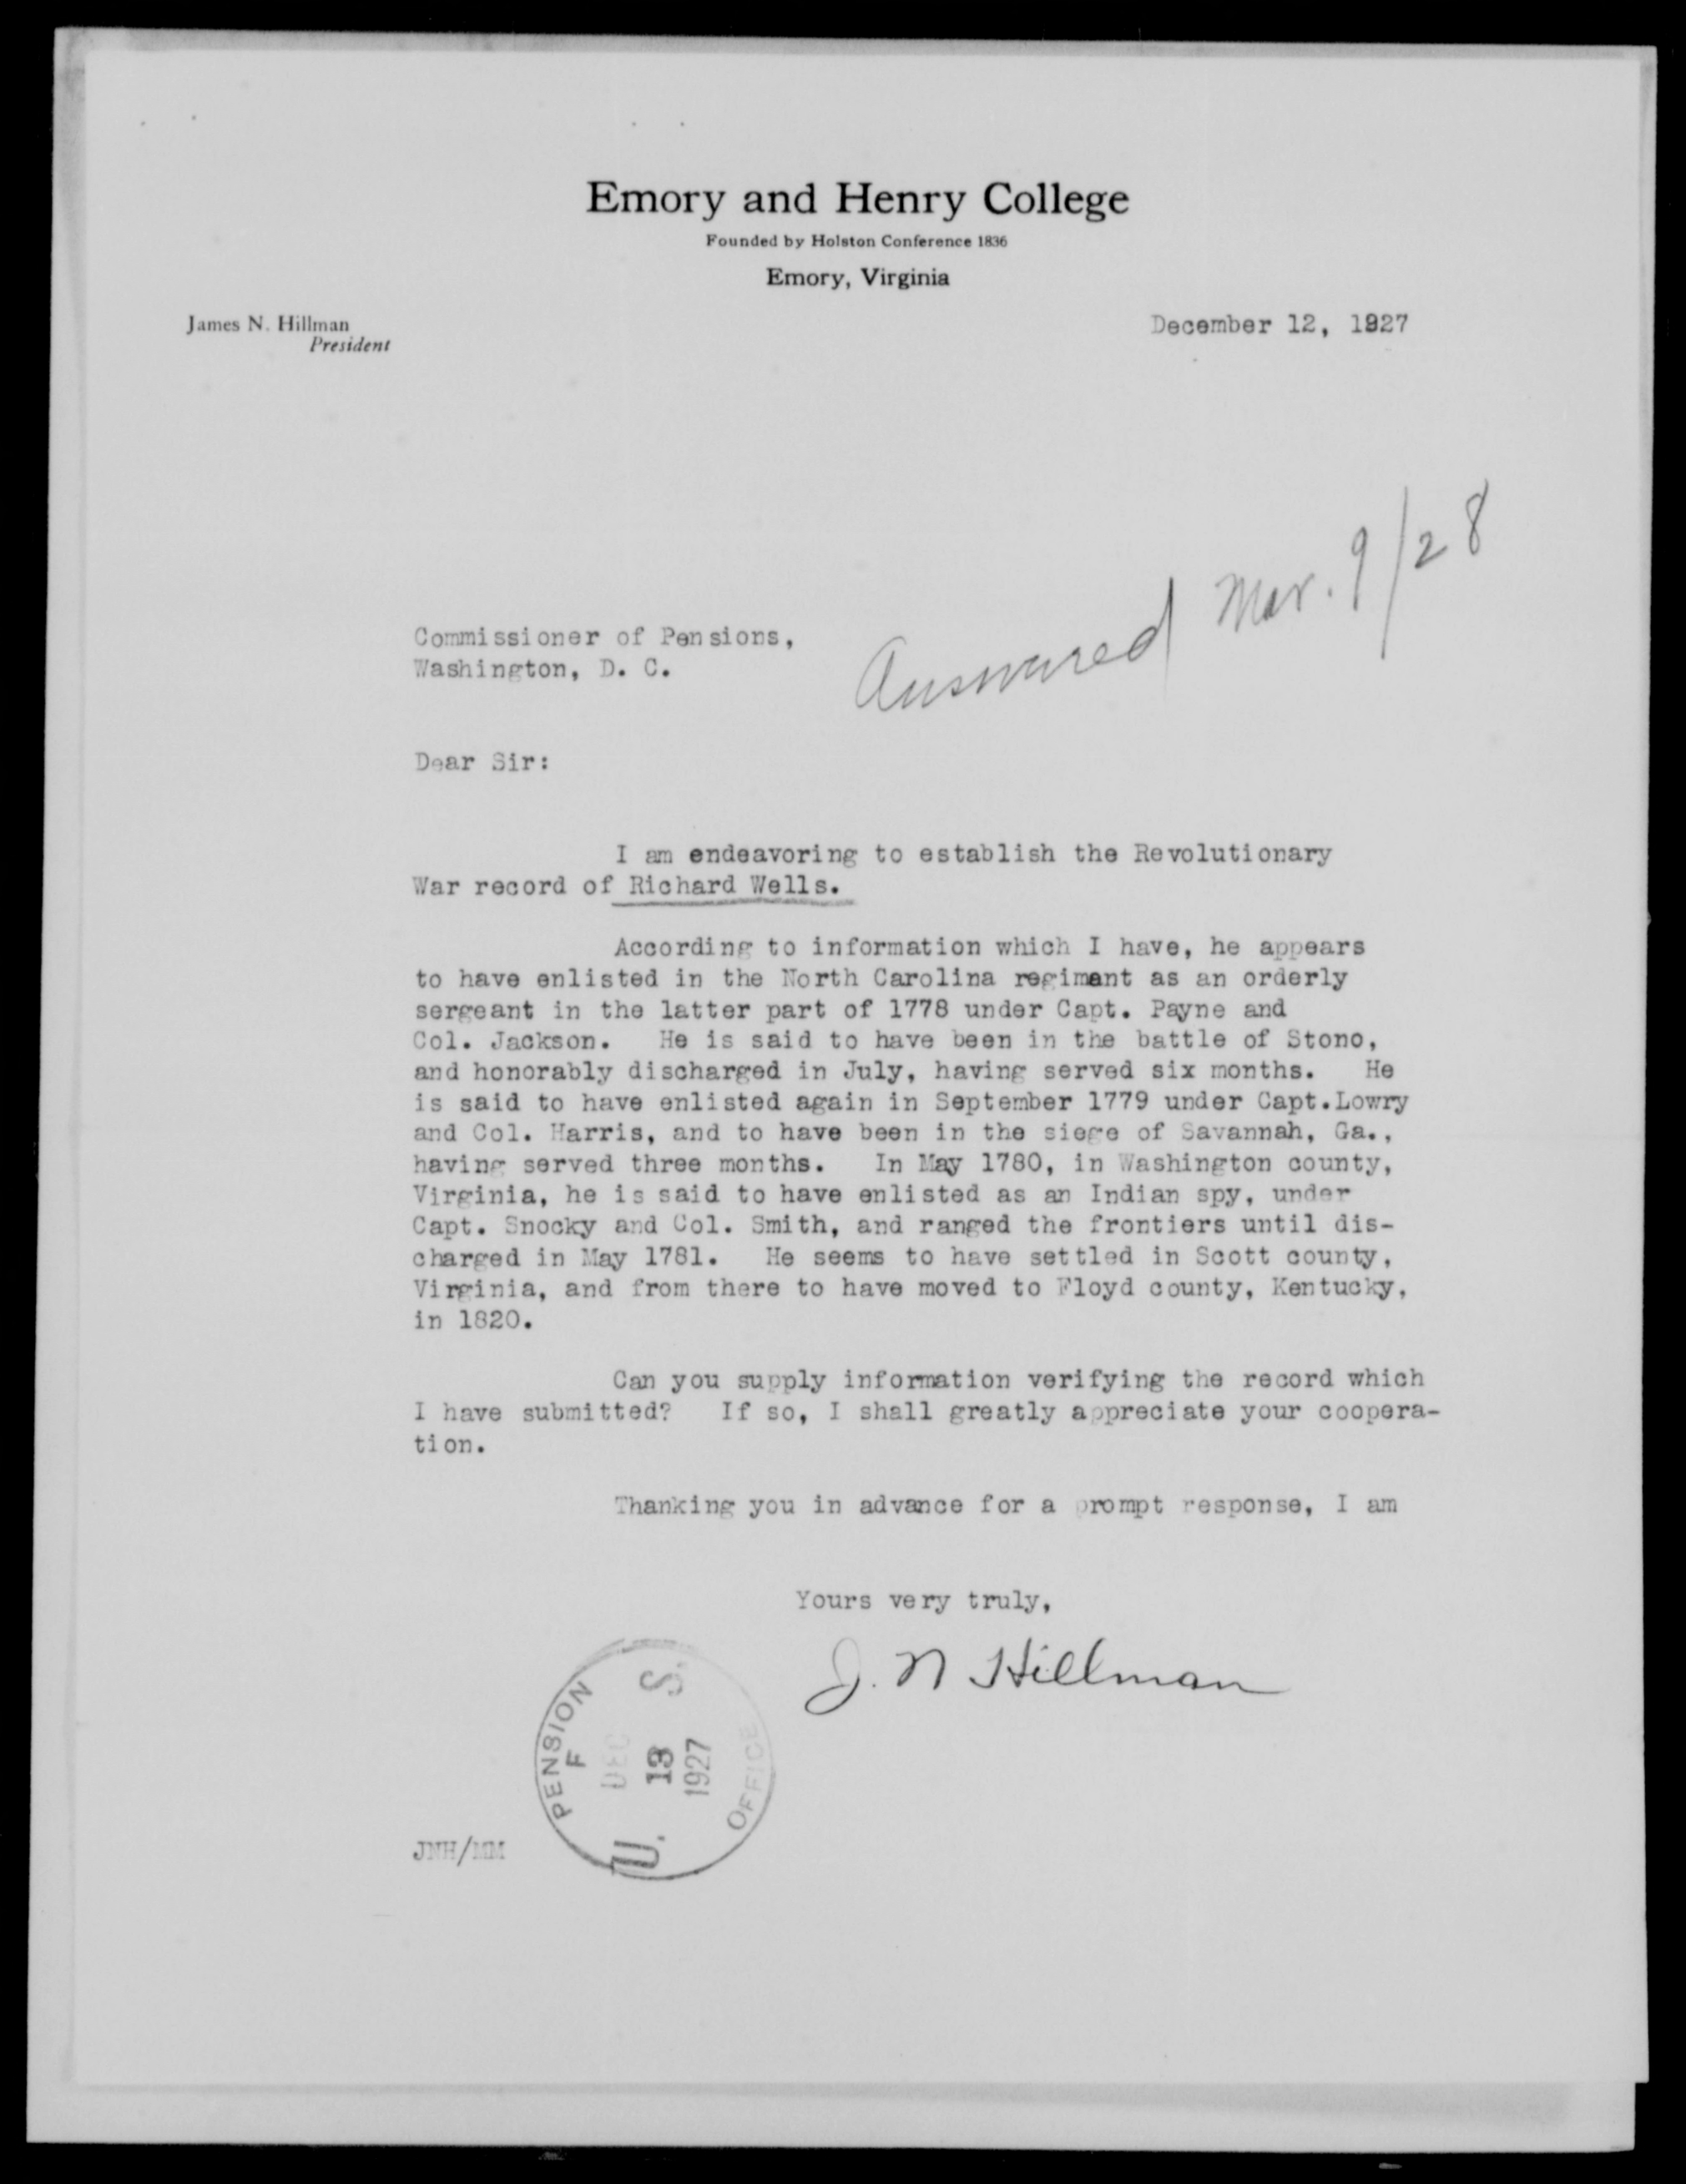Emory and Henry College
Founded by Holston Conference 1836
Emory, Virginia
James N. Hillman
President
December 12, 1927

Answered Mar 9/28

Commissioner of Pensions,
Washington, D. C.

Dear Sir:
I am endeavoring to establish the Revolutionary War
record of Richard Wells.
According to information which I have, he appears
to have enlisted in the North Carolina regiment as an orderly
sergeant in the latter part of 1778 under Capt. Payne and
Col. Jackson. He is said to have been in the battle of Stono,
and honorably discharged in July, having served six months. He
is said to have enlisted again in September 1779 under Capt. Lowry
and Col. Harris, and to have been in the siege of Savannah, Ga.,
having served three months. In May 1780, in Washington county,
Virginia, he is said to have enlisted as an Indian spy, under
Capt. Snocky and Col. Smith, and ranged the frontiers until discharged
in May 1781. He seems to have settled in Scott county,
Virginia, and from there to have moved to Floyd County, Kentucky,
in 1820.
Can you supply information verifying the record which
I have submitted? If so, I shall greatly appreciate your cooperation.

Thanking you in advance for a prompt response, I am
Yours very truly,
J. N. Hillman

JNH/MM

[circle stamp-RIght margin]
PENSION OFFICE U S
DEC 13 1927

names: Smith, James N Hillman, Jackson, Richard Wells, Payne, Harris, Snocky, J N Hillman, Lowry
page: 85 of 100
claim: widow's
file: W. 6437, Richard Wells, Ga Va.